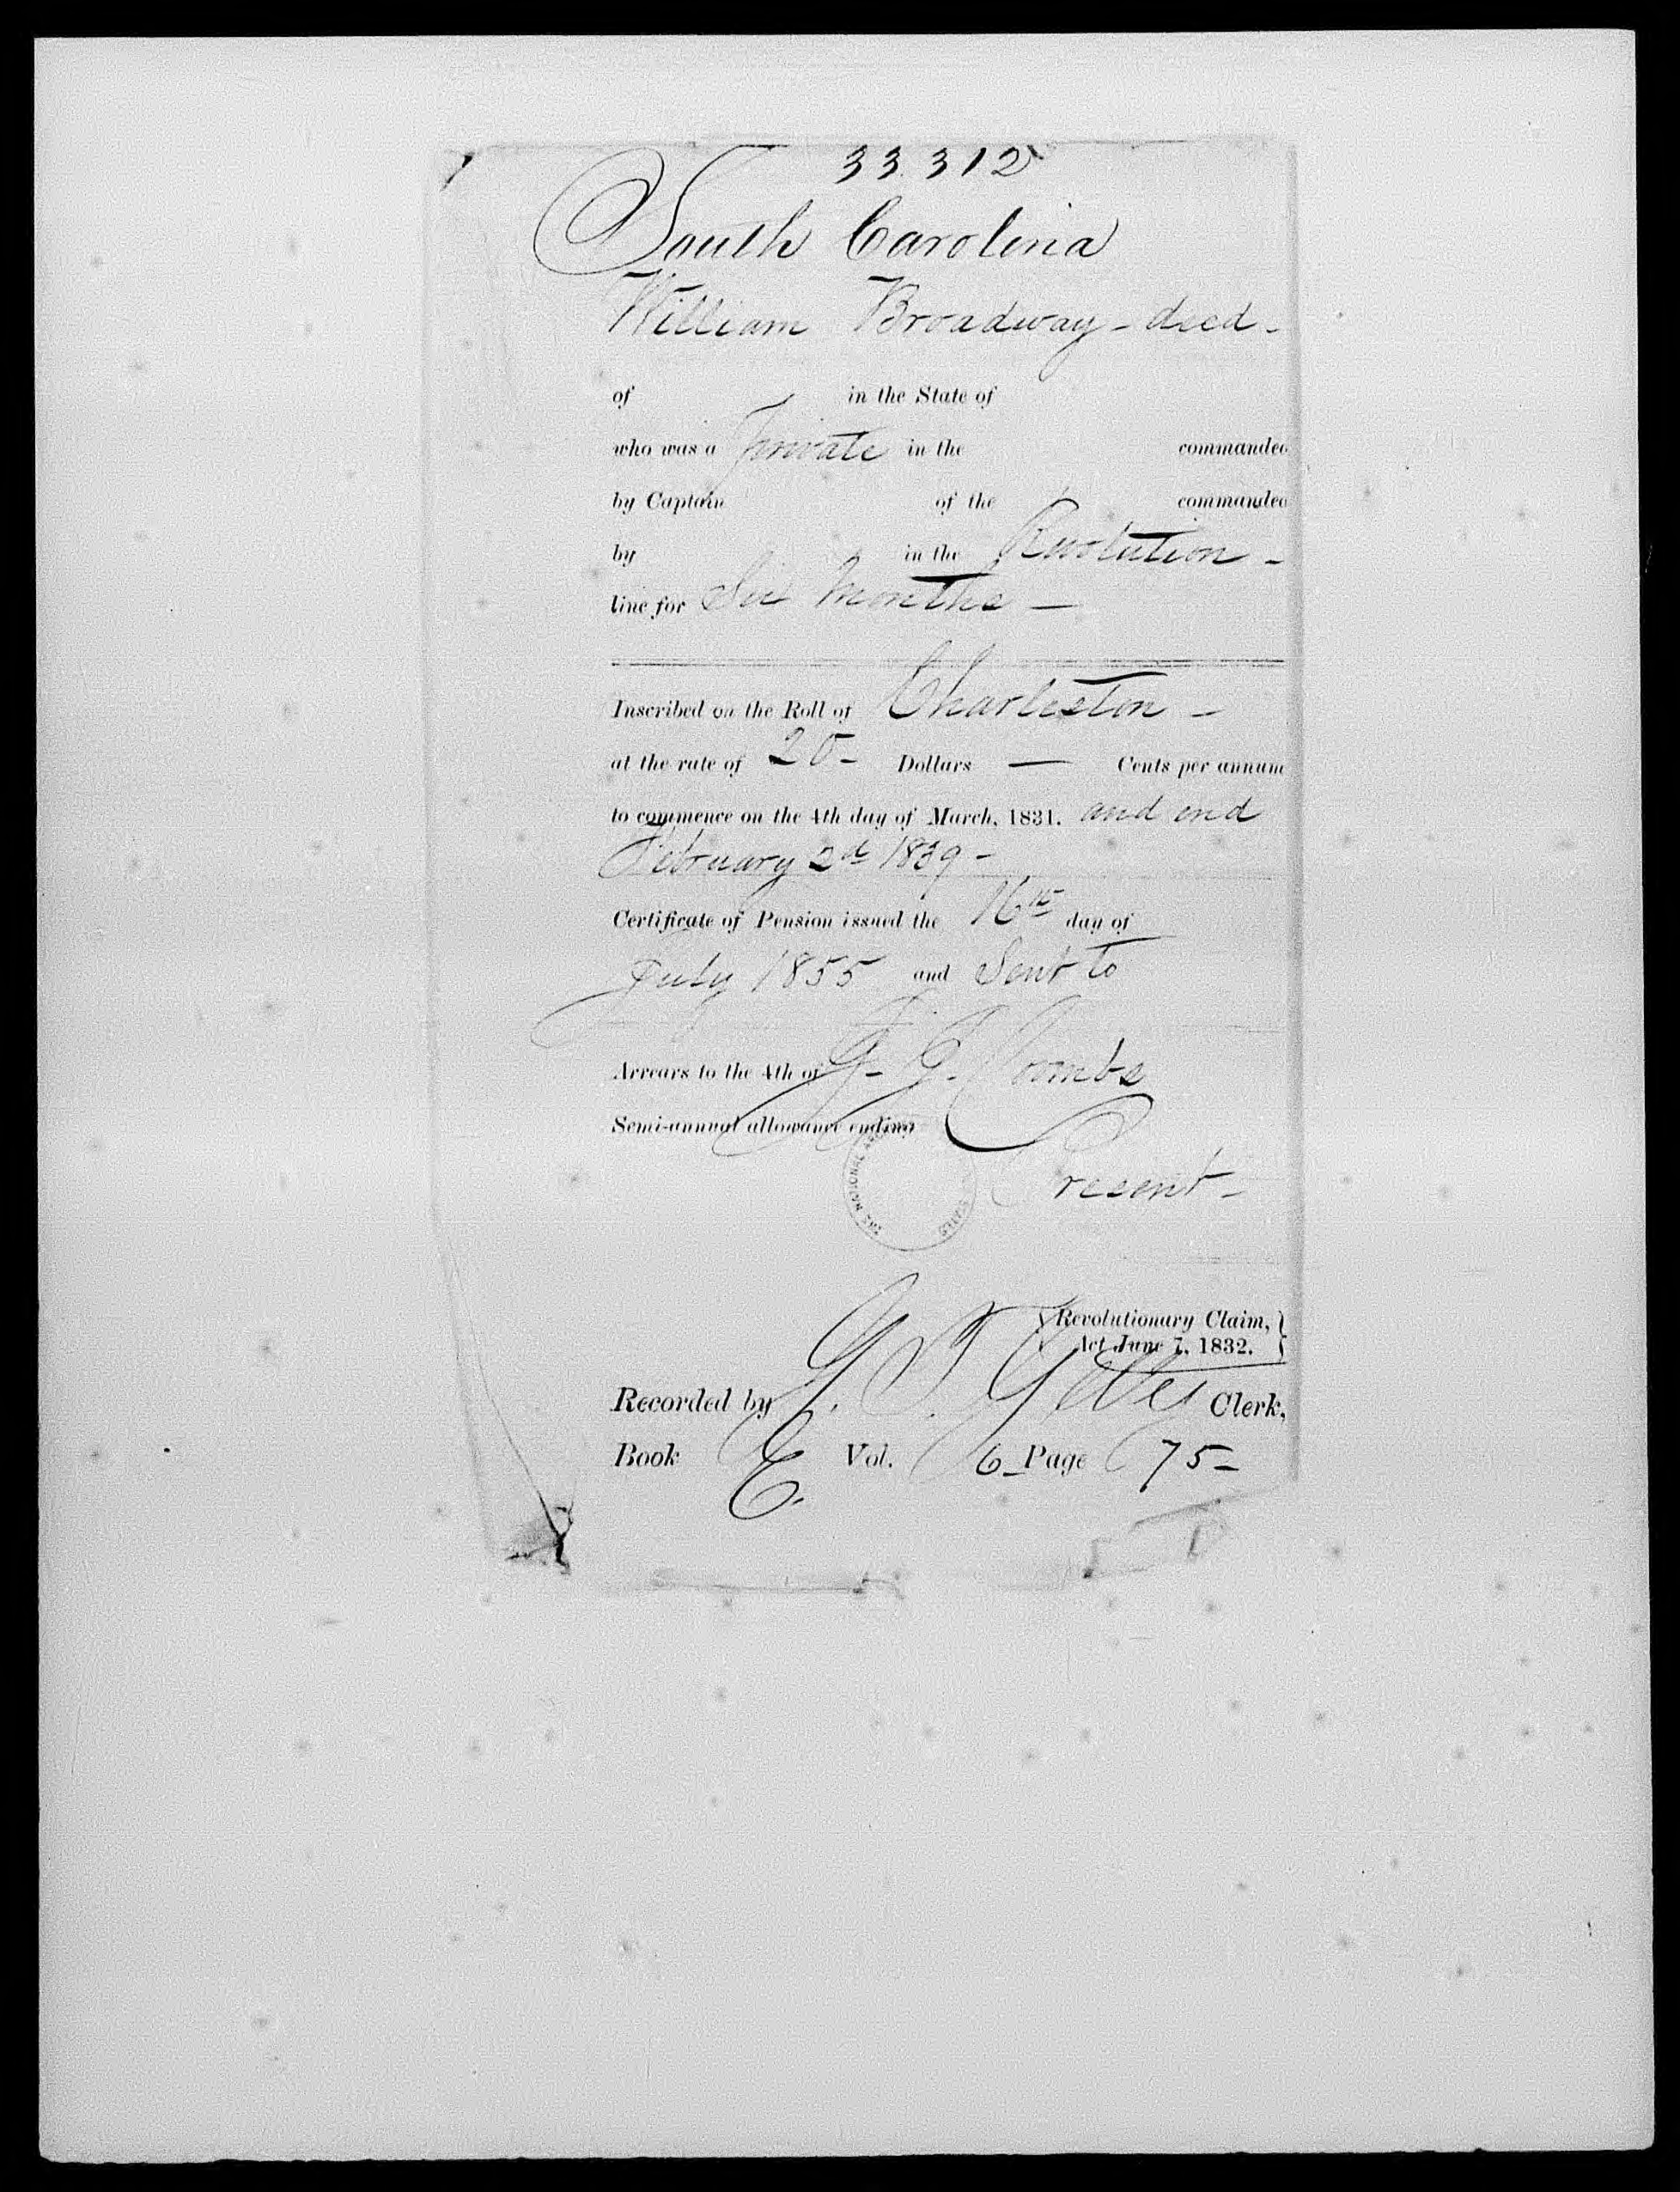33312
South Carolina
William Broadway -died-
of.             in the State of
who was a private in the       commanded
by Captain         of the.            commanded
by.                               in the Revolution
line for  Six Months ___
============================
Inscribed on the Roll of Charleston __
at the rate of 20 - Dollars  -- Cents per annum
to commence on the 4th day of March, 1831, and end
February 2d 1839-
===============================
Certificate of Pension is 16th day of
July 1855 and Sent to 
J. J. Combs
Present -
==========================
Arrears to the 4th of
Semi-annual allowance ending 

[stamp]
THE NATIONAL ARCHIVES OF THE UNITED STATES]

{Revolutionary Claim,}
{ACT JUNE 7, 1832.}

Recorded by  G T Gelly, Clerk,
Book E.      Vol. 6- page 75 -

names: J J Coombs, G T Gelly, William Broadway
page: 81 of 98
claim: widow's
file: W. 8398, William Broadway, S.C.